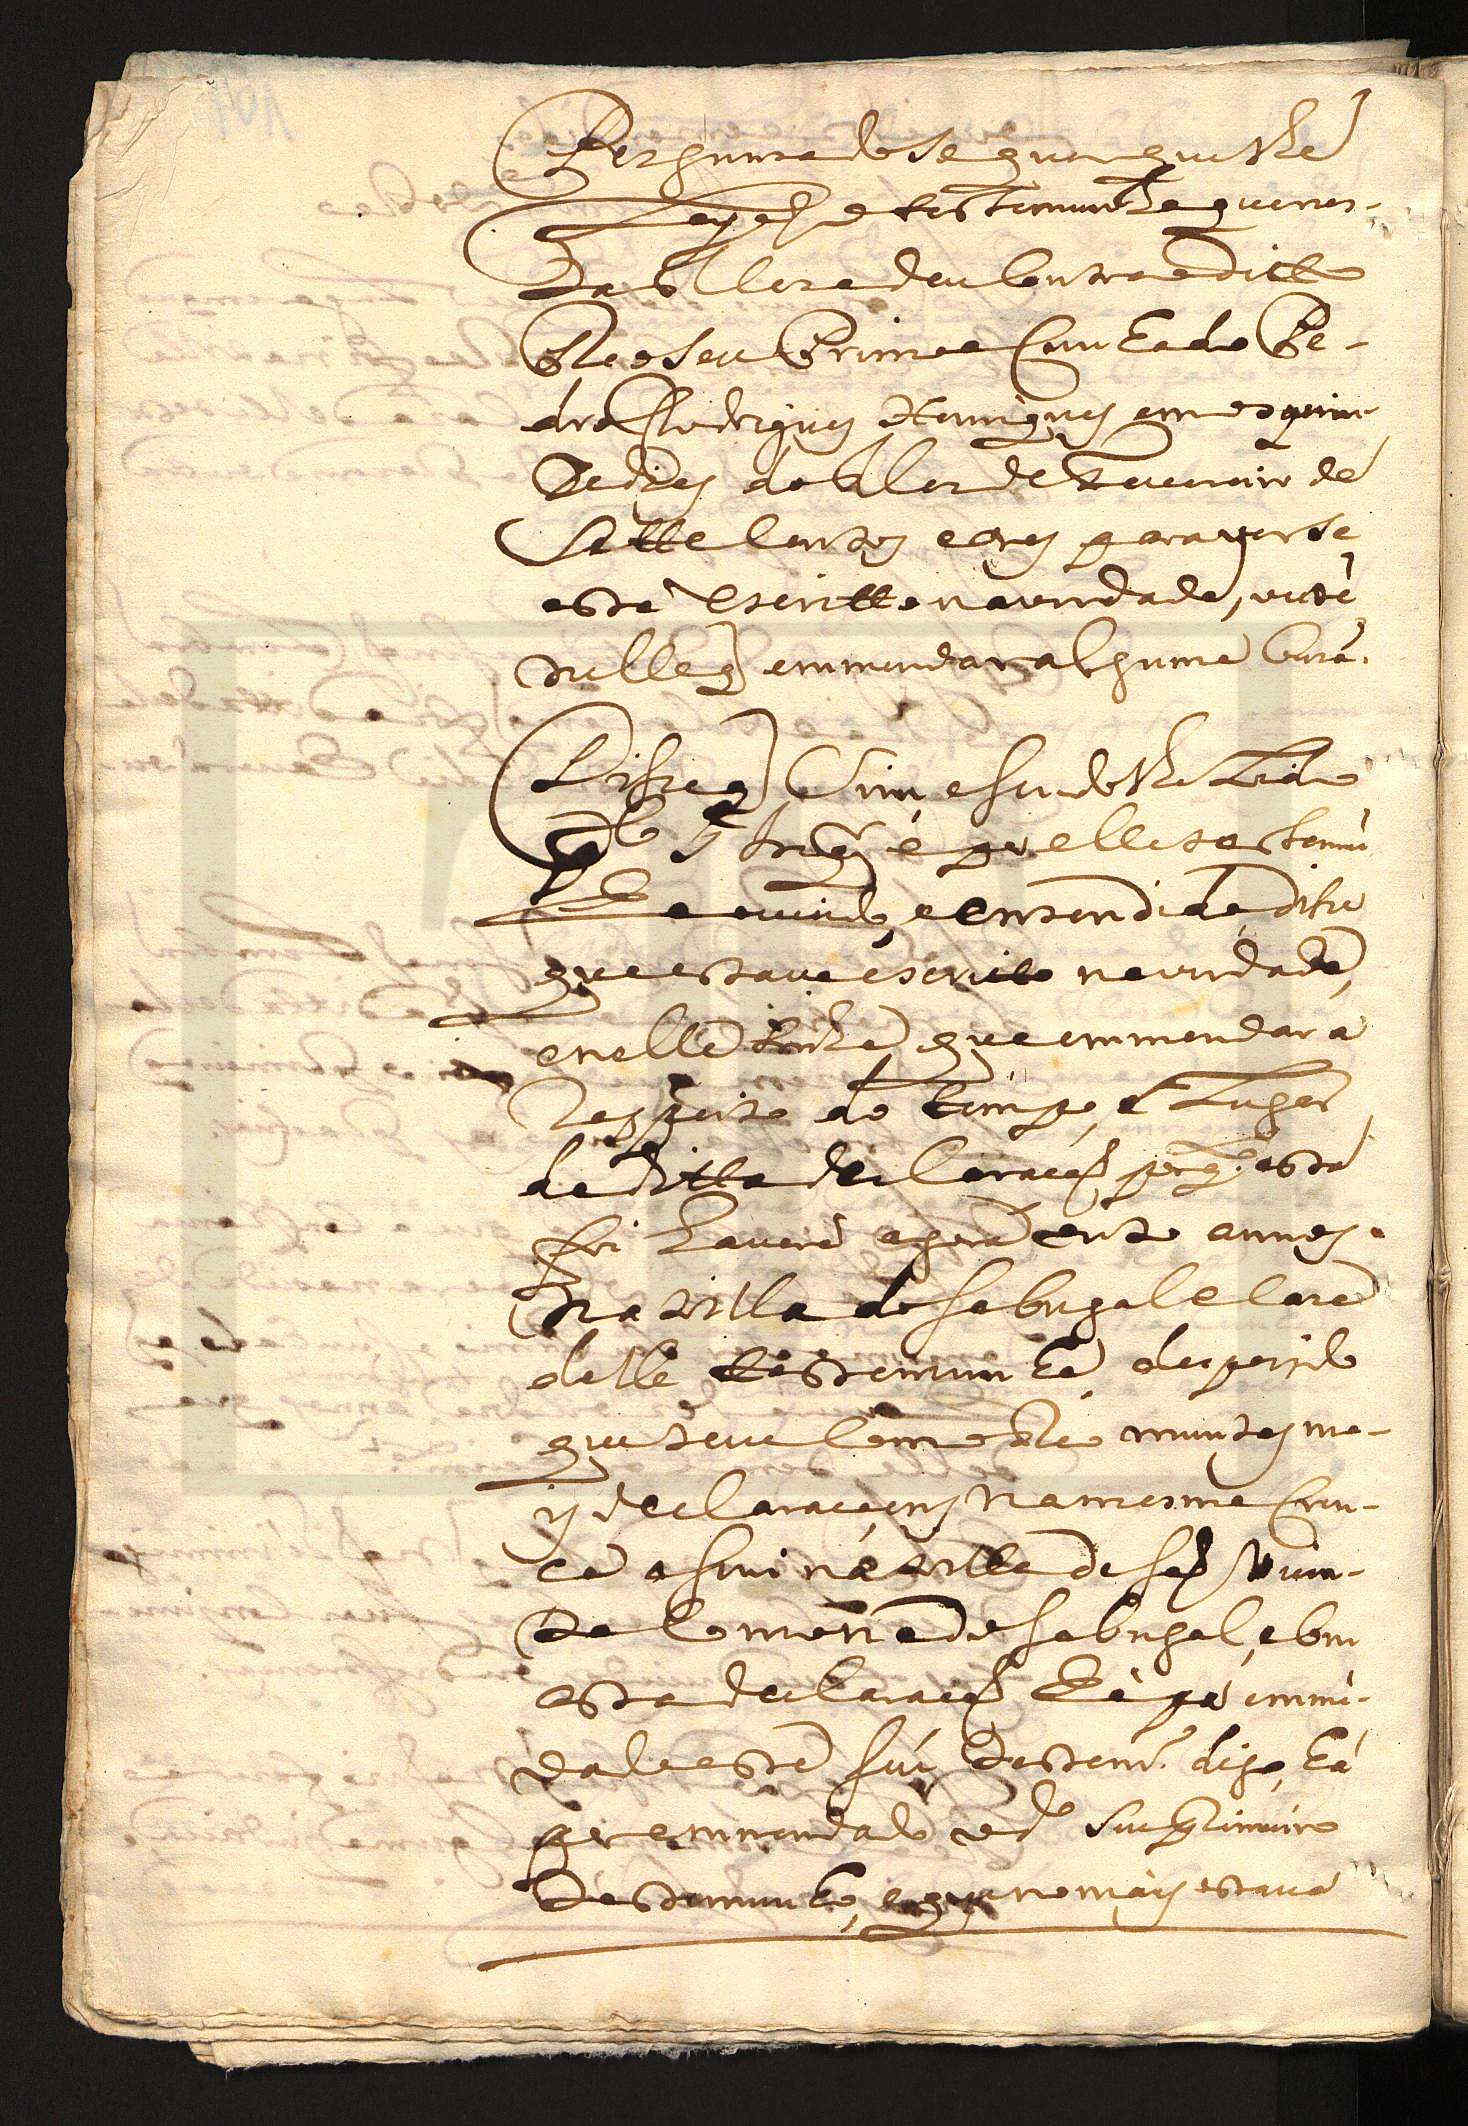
Perguntado se quer que lhe
Leyaõ o testemunho que nes
ta Meza deu Contra o ditto
Reo seo Primo o Cunhado Pe
dro Rodrigues Henriques em os quin
ze dias do Mez de Feuereiro de
Settecentos e tres para ver se
esta escritto na verdade, ou tē
nelle q̄ emmendar alguma Couza?
Disse q̄ Sim, e sendolhe Lido
pelo s.r Inqr e por elle taõbem?
E ouuido, e entendido, disse
que estaua escrito na verdade,
e nelle tinha que emmendar a
Respeito do tempo, e Lugar
da ditta declaraçaõ porq.to esta
foi havera agora outo annos e
na villa do sabugal e Caza
delle testemunha despois do
que teue Com o Reo muntas ma
is declaraçoens na mesma Cren
ça asim na villa de saõ vicen
te Como na do sabugal, e com
esta declaraçaõ há por emmē
dado este seu testem.o digo há
por emmendado o d.o seu primeiro
testemunho, e que no mais estaua
